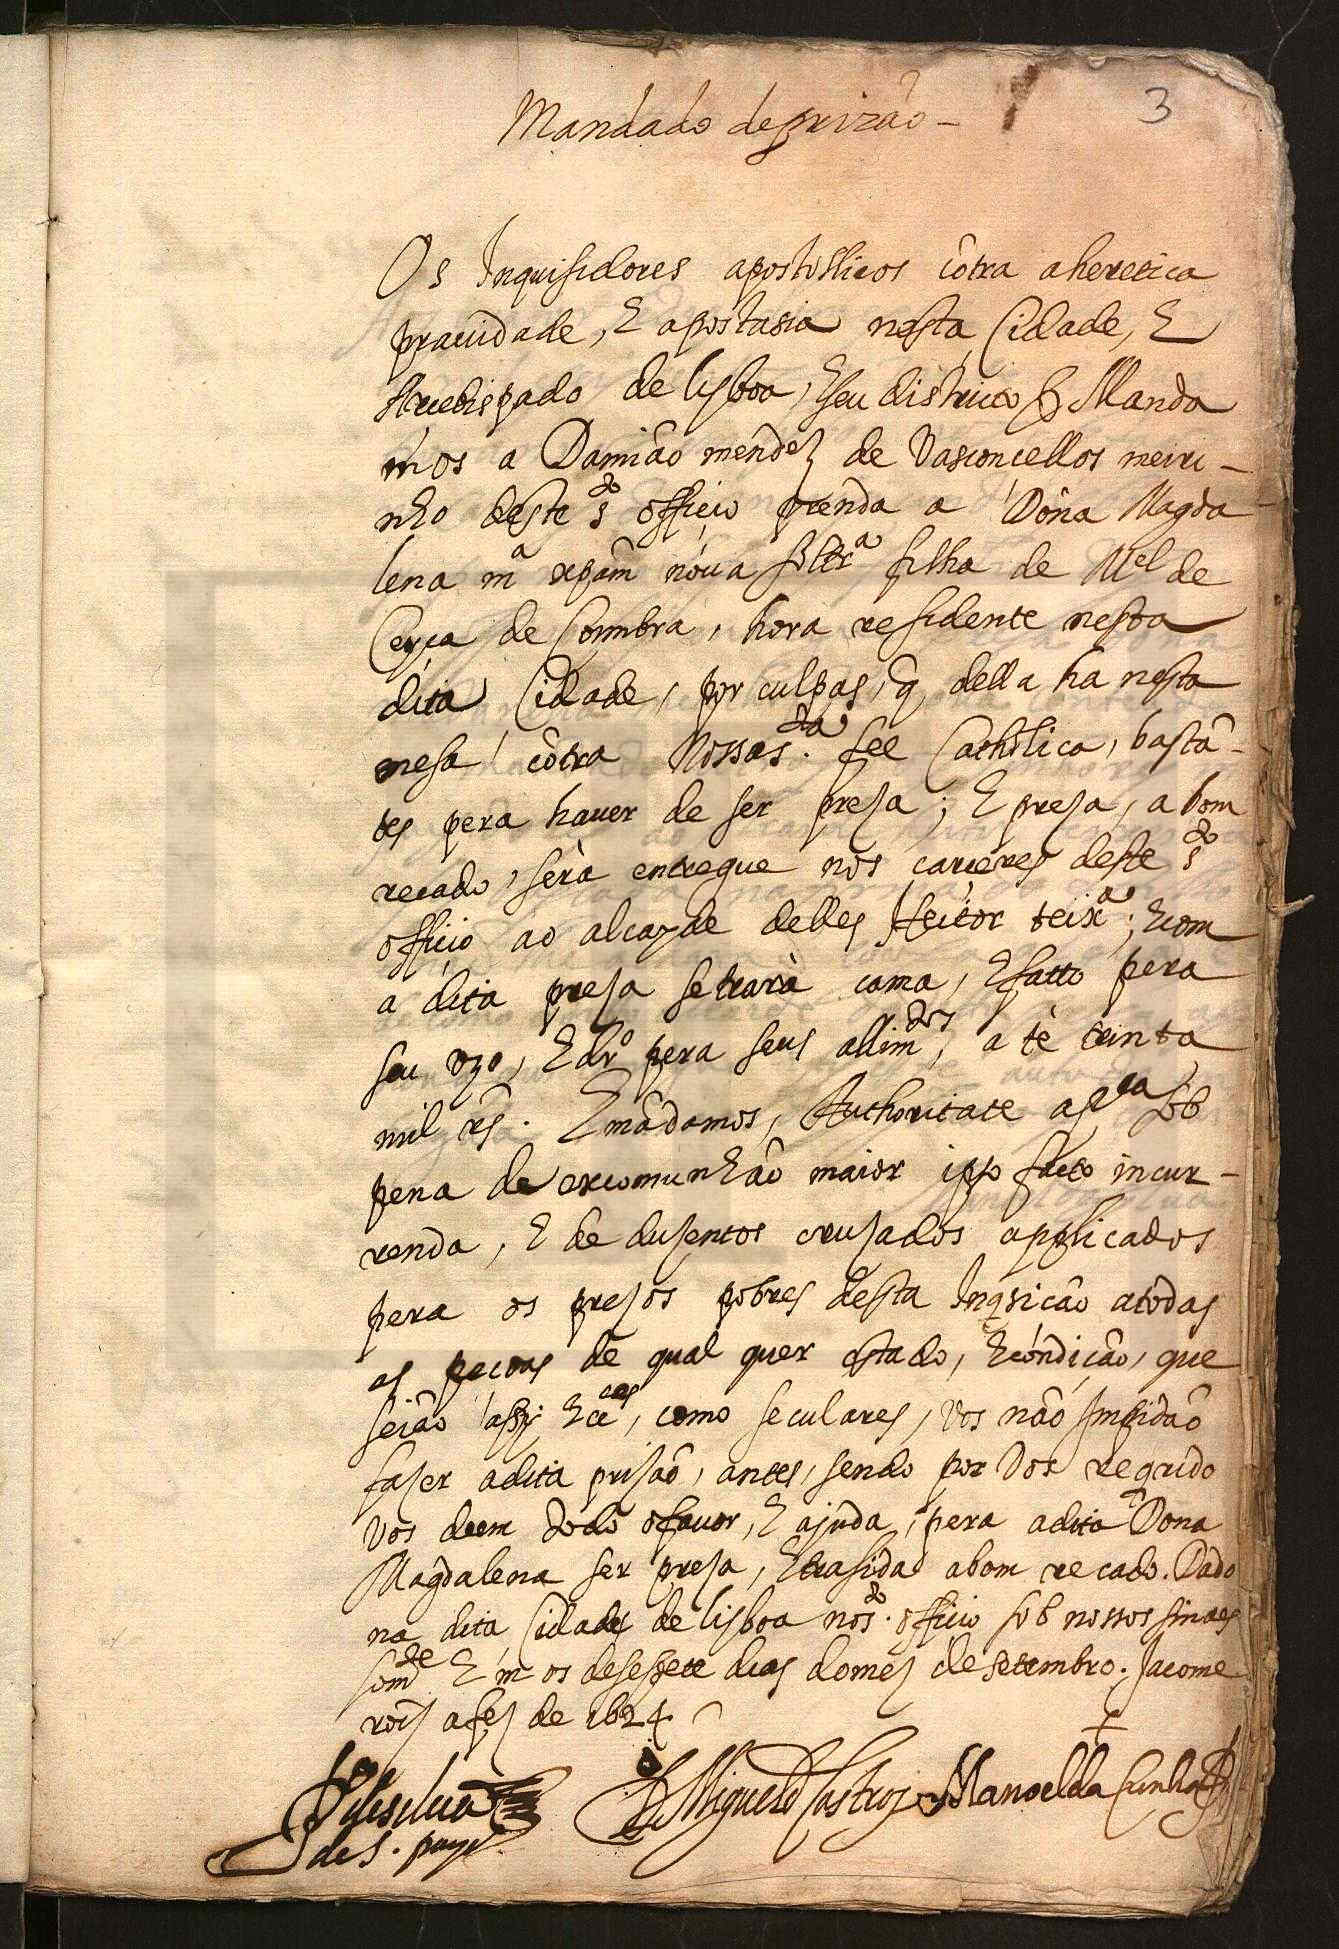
Mandado de prizão
Os Inquisidores apostollicos cōtra a heretica
prauidade, E apostasia nesta Cidade, E
Arcebispado de lisboa, E seu districto & Manda
mos a Damião mendez de Vasconcellos meiri
nho deste sto officio prenda a Dona Magda
lena ma xpām noua soltra filha de Mel de
Ceyça de Coimbra, hora residente nesta
dita Cidade, por culpas, q̄ della ha nesta
mesa / cōtra nossa s.ta fee Catholica, bastā
tes pera hauer de ser preza; E preza, a bom
recado, serà entregue nos carceres deste sto
officio ao alcayde delles Heitor teixa; E com
a dita preza se trarà cama, E fatto pera
seu vzo, E dro pera seus allimtos, atè trinta
mil rs̄. E mādamos, Authoritate apca sob
pena de excomunhaõ maior ipso facto incur
renda, E de duzentos cruzados applicados
pera os prezos pobres desta Inꝗsição a todas
as peçoas de qualquer estado, E condição, que
seião assy Ecccas, como seculares, vos não Jmpidaõ
fazer a dita prizão, antes, sendo por vos reꝗrido
vos deem todo o fauor, E ajuda, pera a dita Dona
Magdalena ser preza, E trasida a bom recado. Dado
na dita Cidade de lisboa no sto. offiçio sob nossos sinaes
somte Em os desessete dias do mez de setembro. Jacome
roīz a fez de 1624
